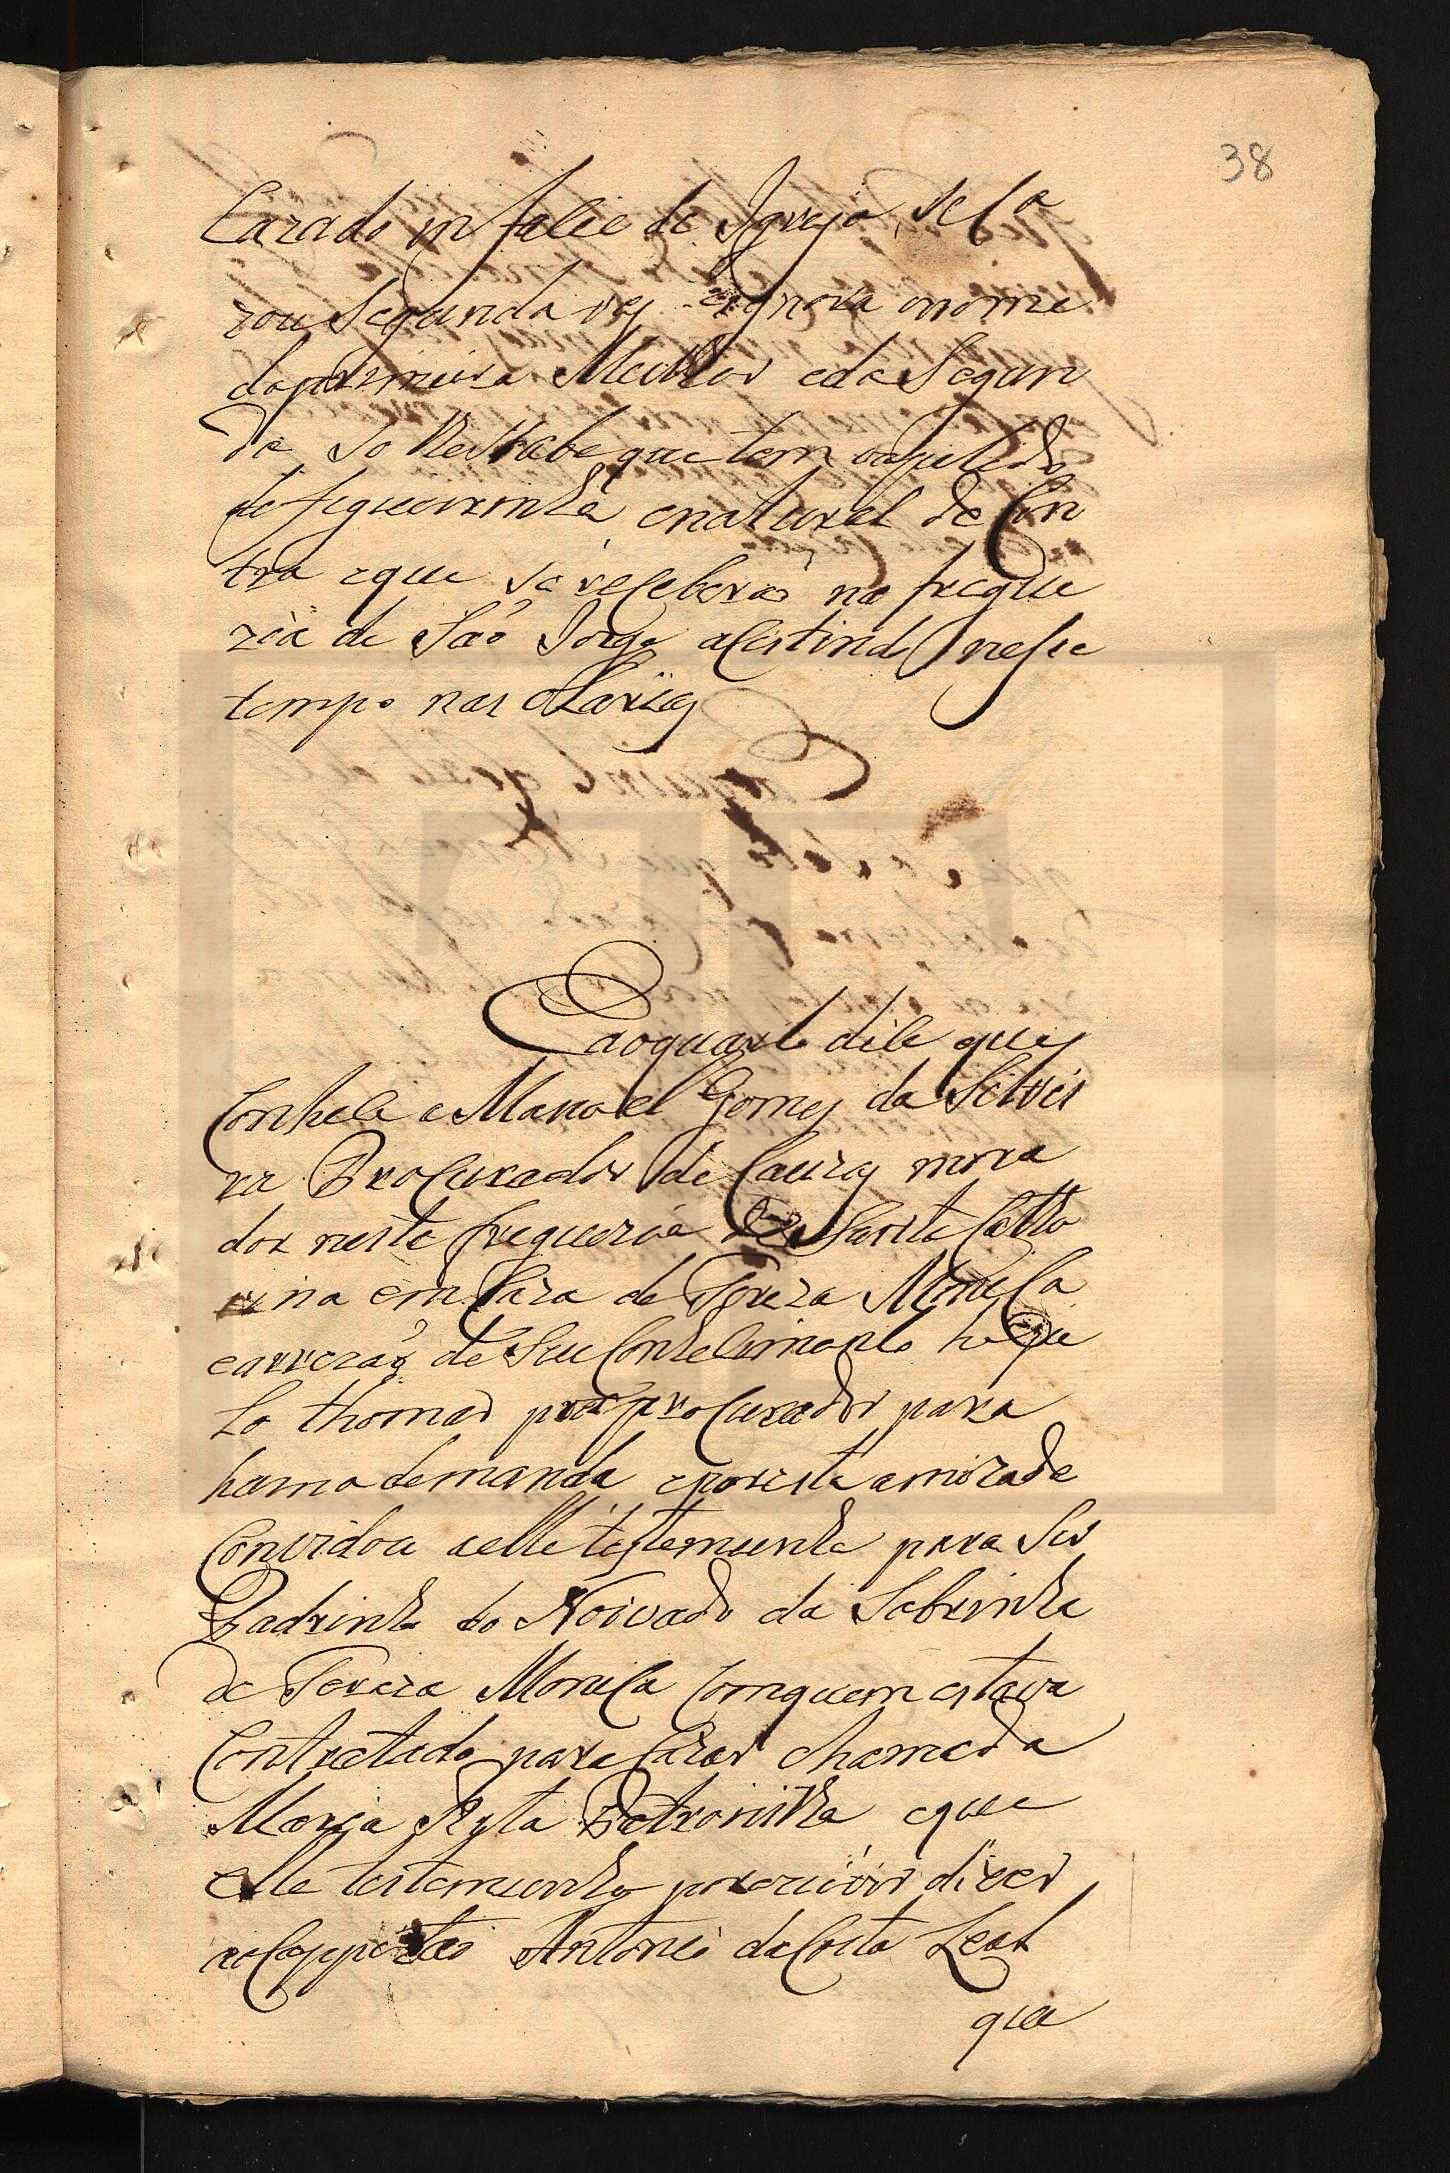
Cazado in faCie de Igreja, se ca
zou Segunda ves ignora o nome
da primeira Mulher e da Segun
da só lhes sabe, que tem o apelido
de fegueixinha, e natural de Cin
tra e que se reCeberaõ na fregue
zia de Saõ Iorge aCestindo nesse
tempo nas olarias
E ao quarto dice que
Conhece a Manoel Gomes da Silvei
ra ProCurador de Cauzas mora
dor nesta freguezia da Santa Catha
rina em Caza de Tereza MoniCa
e a rrezaõ de seu Conhecimento he pe
Lo thomar por proCurador para
huma demanda, e por este amizade
Convidou a elle testemunha para ser
Padrinho do Noivado da Sobrinha
de Tereza MoniCa, Com quem estava
Contratado para Cazar chamada
Maria Rita Petronilha e que
elle testemunha por ouvir dizer
ao Cappitao Antonio da Costa Leal
que
